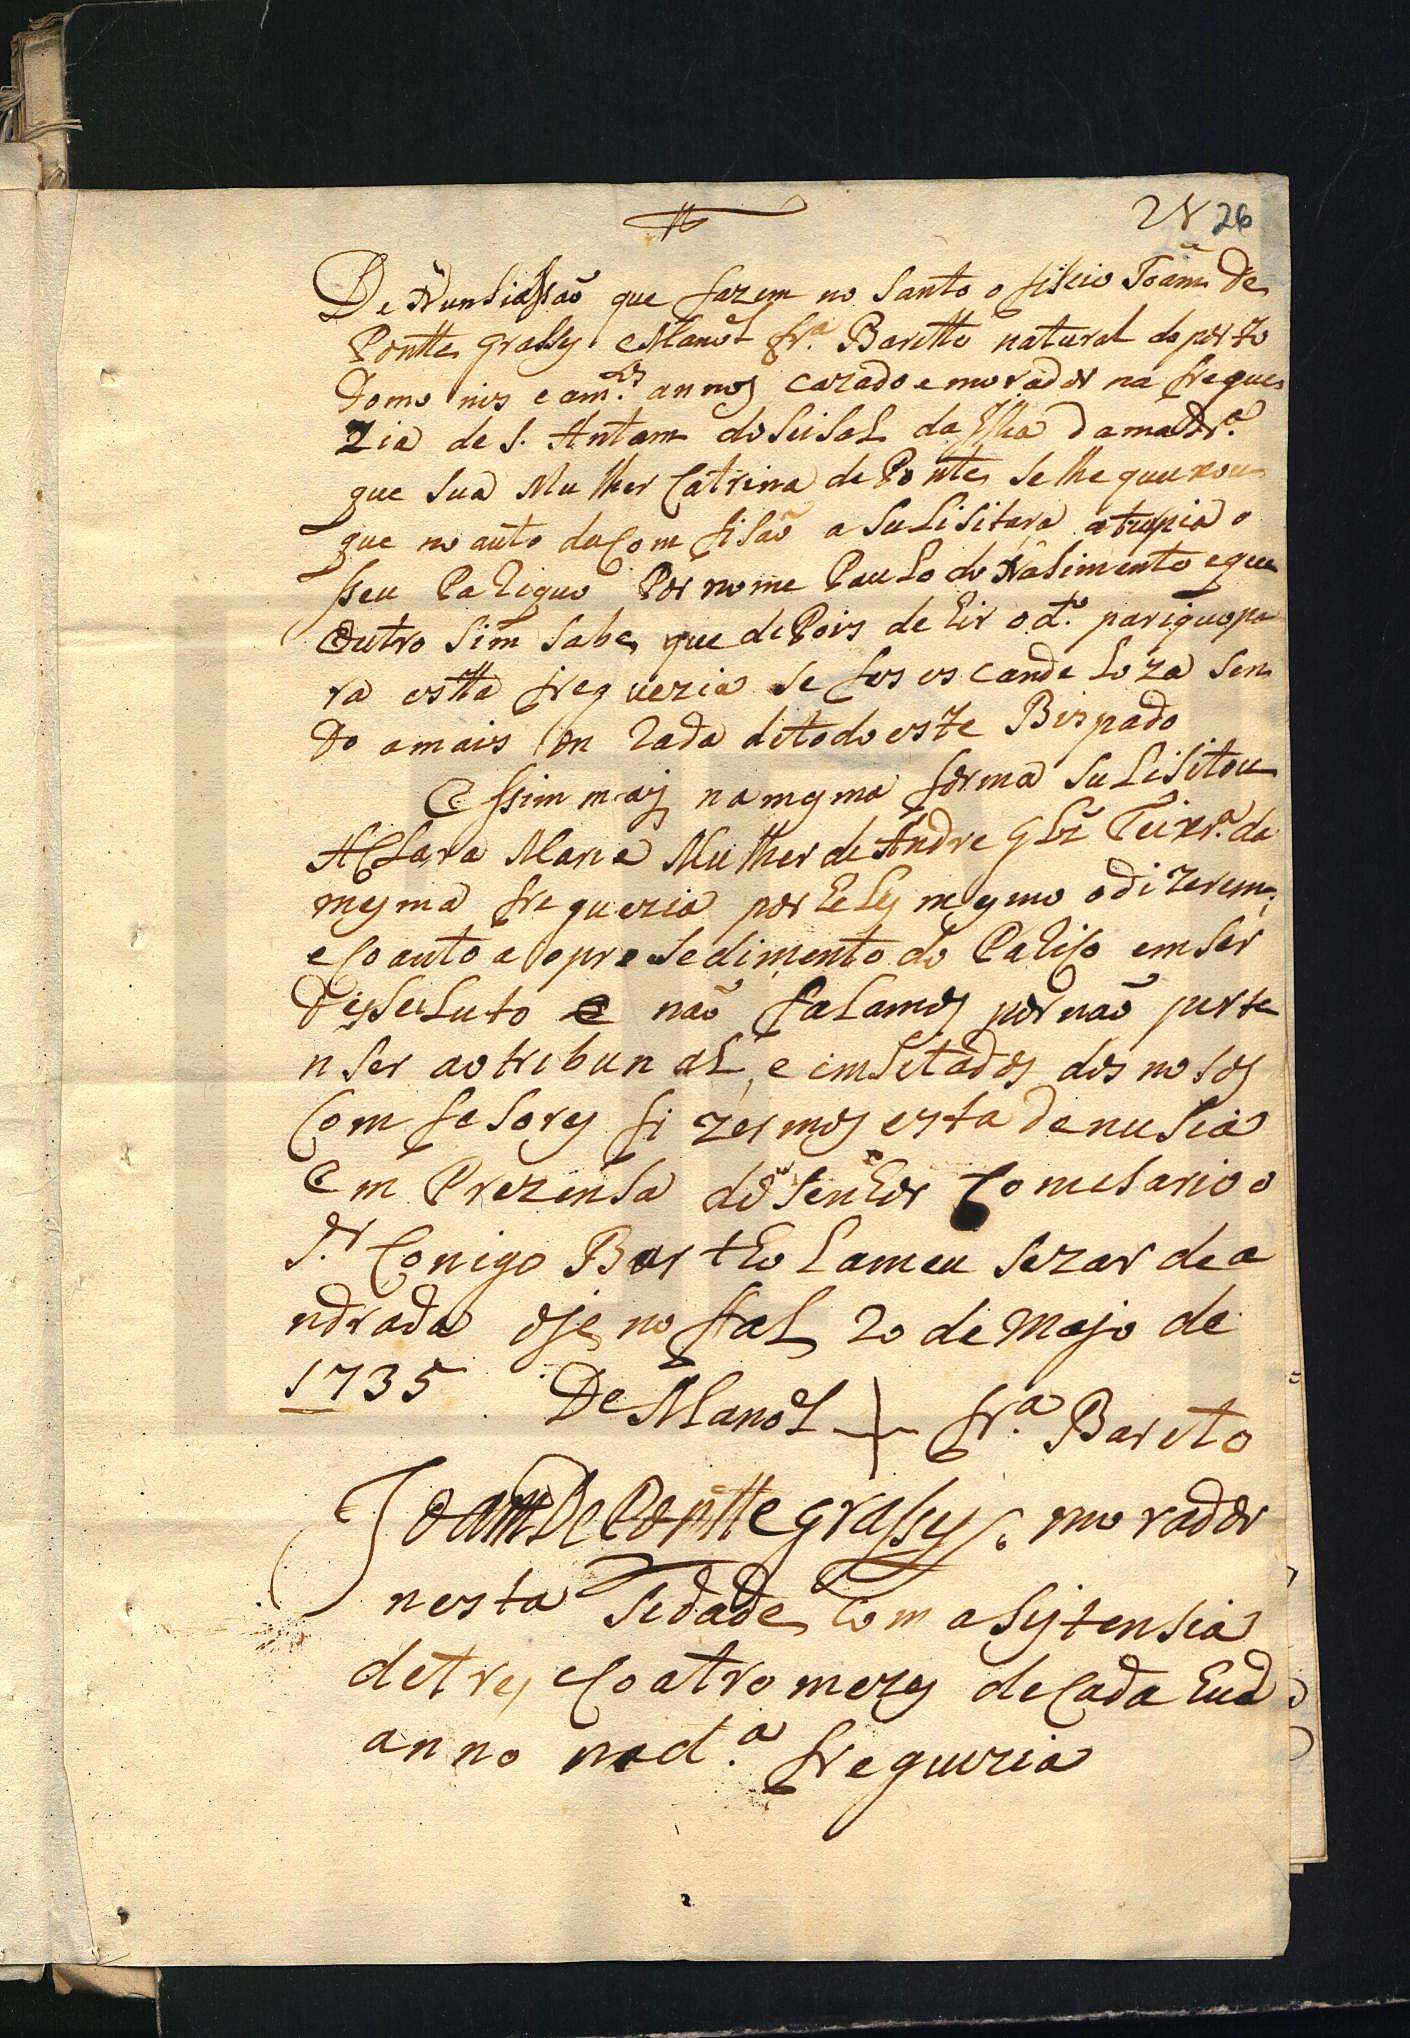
28
DeN̄unsiassaõ que fazem no santo ofiscio Ioam De
Pontte Grasses e Manoel fr.a Baretto natural do porto
Do monis e a m.tos annos cazado e morador na fregue
Zia de S. Antam do SeisaL da Jlha da madr.a
que sua Mulher Catrina de Ponte se lhe queixou
que no auto da Comfisaõ a Sulisitara a turpia o
sseu PaRiquo Por nome Paulo do Nasimento e que
Outrosim sabe que dePois de hir o d̄.o pariquo pa
ra estta freguezia se fes escandeLoza sen
Do a mais onRada de todo este Bispado
Assim mais na mesma forma sulisitou
A CLara Maria Mulher de Andre Glz̄ Teixr.a da
mesma freguezia por heles mesmo o dizerem
e Coanto ao prosedimento do PahiCo em ser
DissuLuto e naõ faLamos por naõ parta
nser ao tribunaL, e imSitados dos nosos
Comfesores fizermos esta denusia
em Prezensa do senhor Comisario o
s.or Conigo BarthoLameu sezar de a
ndrada oje no faL 20 de majo de
1735
De ManoeL + fr.a Bareto
Joam De Pontte grasses. morador
nesta sidade com asistensia
de tres e Coatro mezes de Cada huā
anno na d.a freguezia
